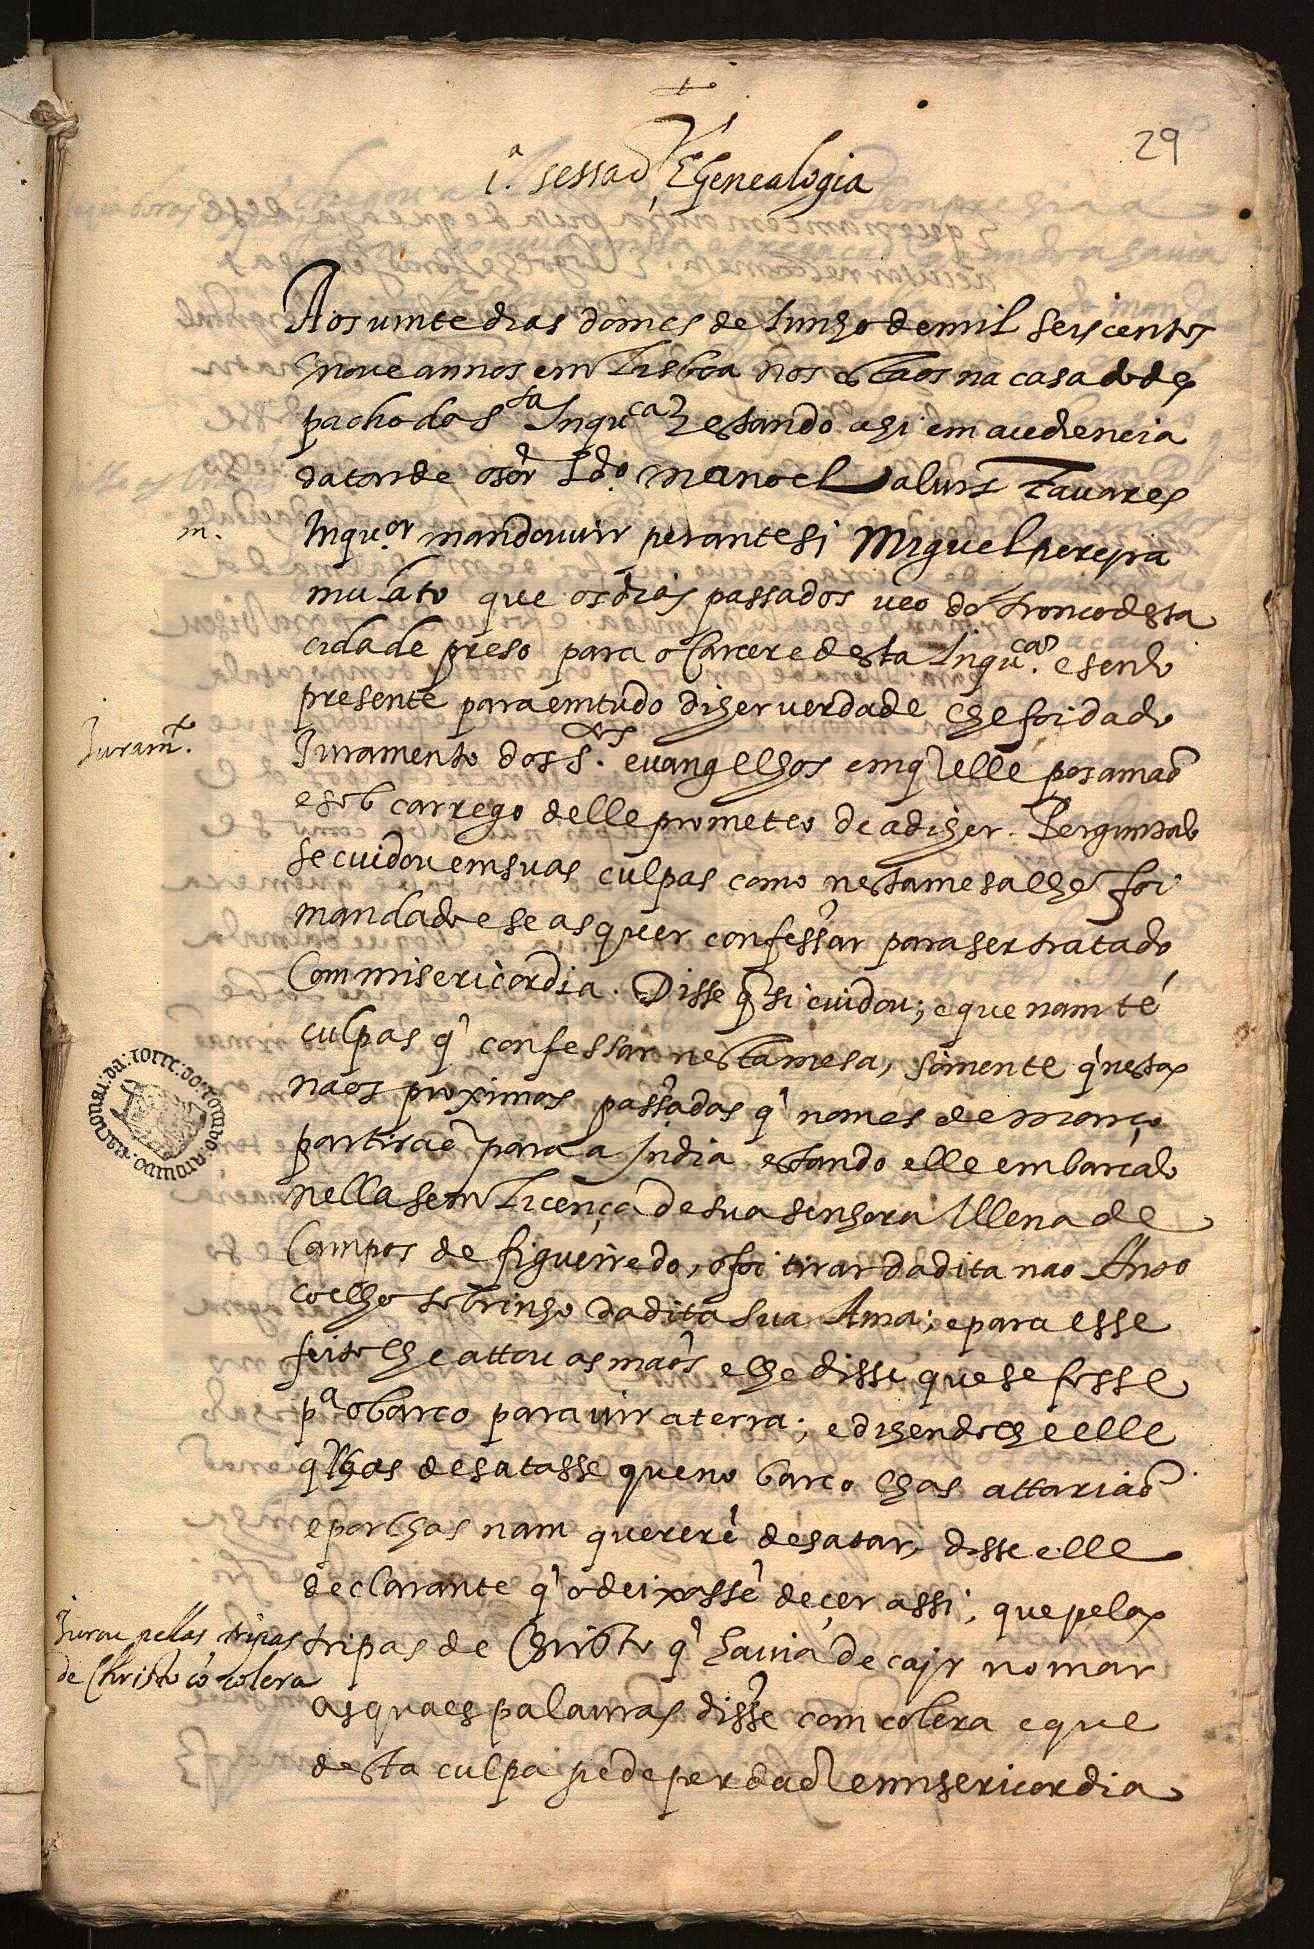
1a sessaõ, e Genealogia
Aos vinte dias do mes de Junho de mil seiscentos
e nove annos em Lisboa nos estaos na casa do des
pacho da Sta Jnquca e estando ahi em audiencia
da tarde o sōr Ldo manoel alvrs̄ tavares
Inqu.or mandou vir perante si miguel perejra
mulato que os dias passados veo do tronco desta
cidade preso para o Carcere desta Inqu.cão e sendo
presente para em tudo dizer verdade lhe foi dado
Juramento dos S.tos evangelhos em q̄ elle por a maõ
e sob carrego delle prometeo de a dizer. Perguntado
se cuidou em suas culpas como nesta mesa lhe foi
mandado e se as quer confessar para ser tratado
com misericordia. Disse q̄ si cuidou; e que nam tē
culpas q̄ confessar nesta mesa somente q̄ nestas
náos proximas passadas q̄ no mes de março
partiraõ para a Jndia estando elle embarcado
nella sem Licença de sua senhora Illena de
Campos de figueiredo o foi tirar da dita nao Anto
coelho sobrinho da dita sua Ama; e para esse
feito lhe attou as maõs e lhe disse que se fosse
pa o barco para vir a terra; e dizendolhe elle
q̄ lhas desatasse que no barco lhas attariaõ
e por lhas nam quererē desatar, disse elle
declarante q̄ o deixassē deçer assi, que pelas
tripas de Christo q̄ havia de cajr no mar
as quaes palavras disse com colera e que
desta culpa pede perdaõ e misericordia
